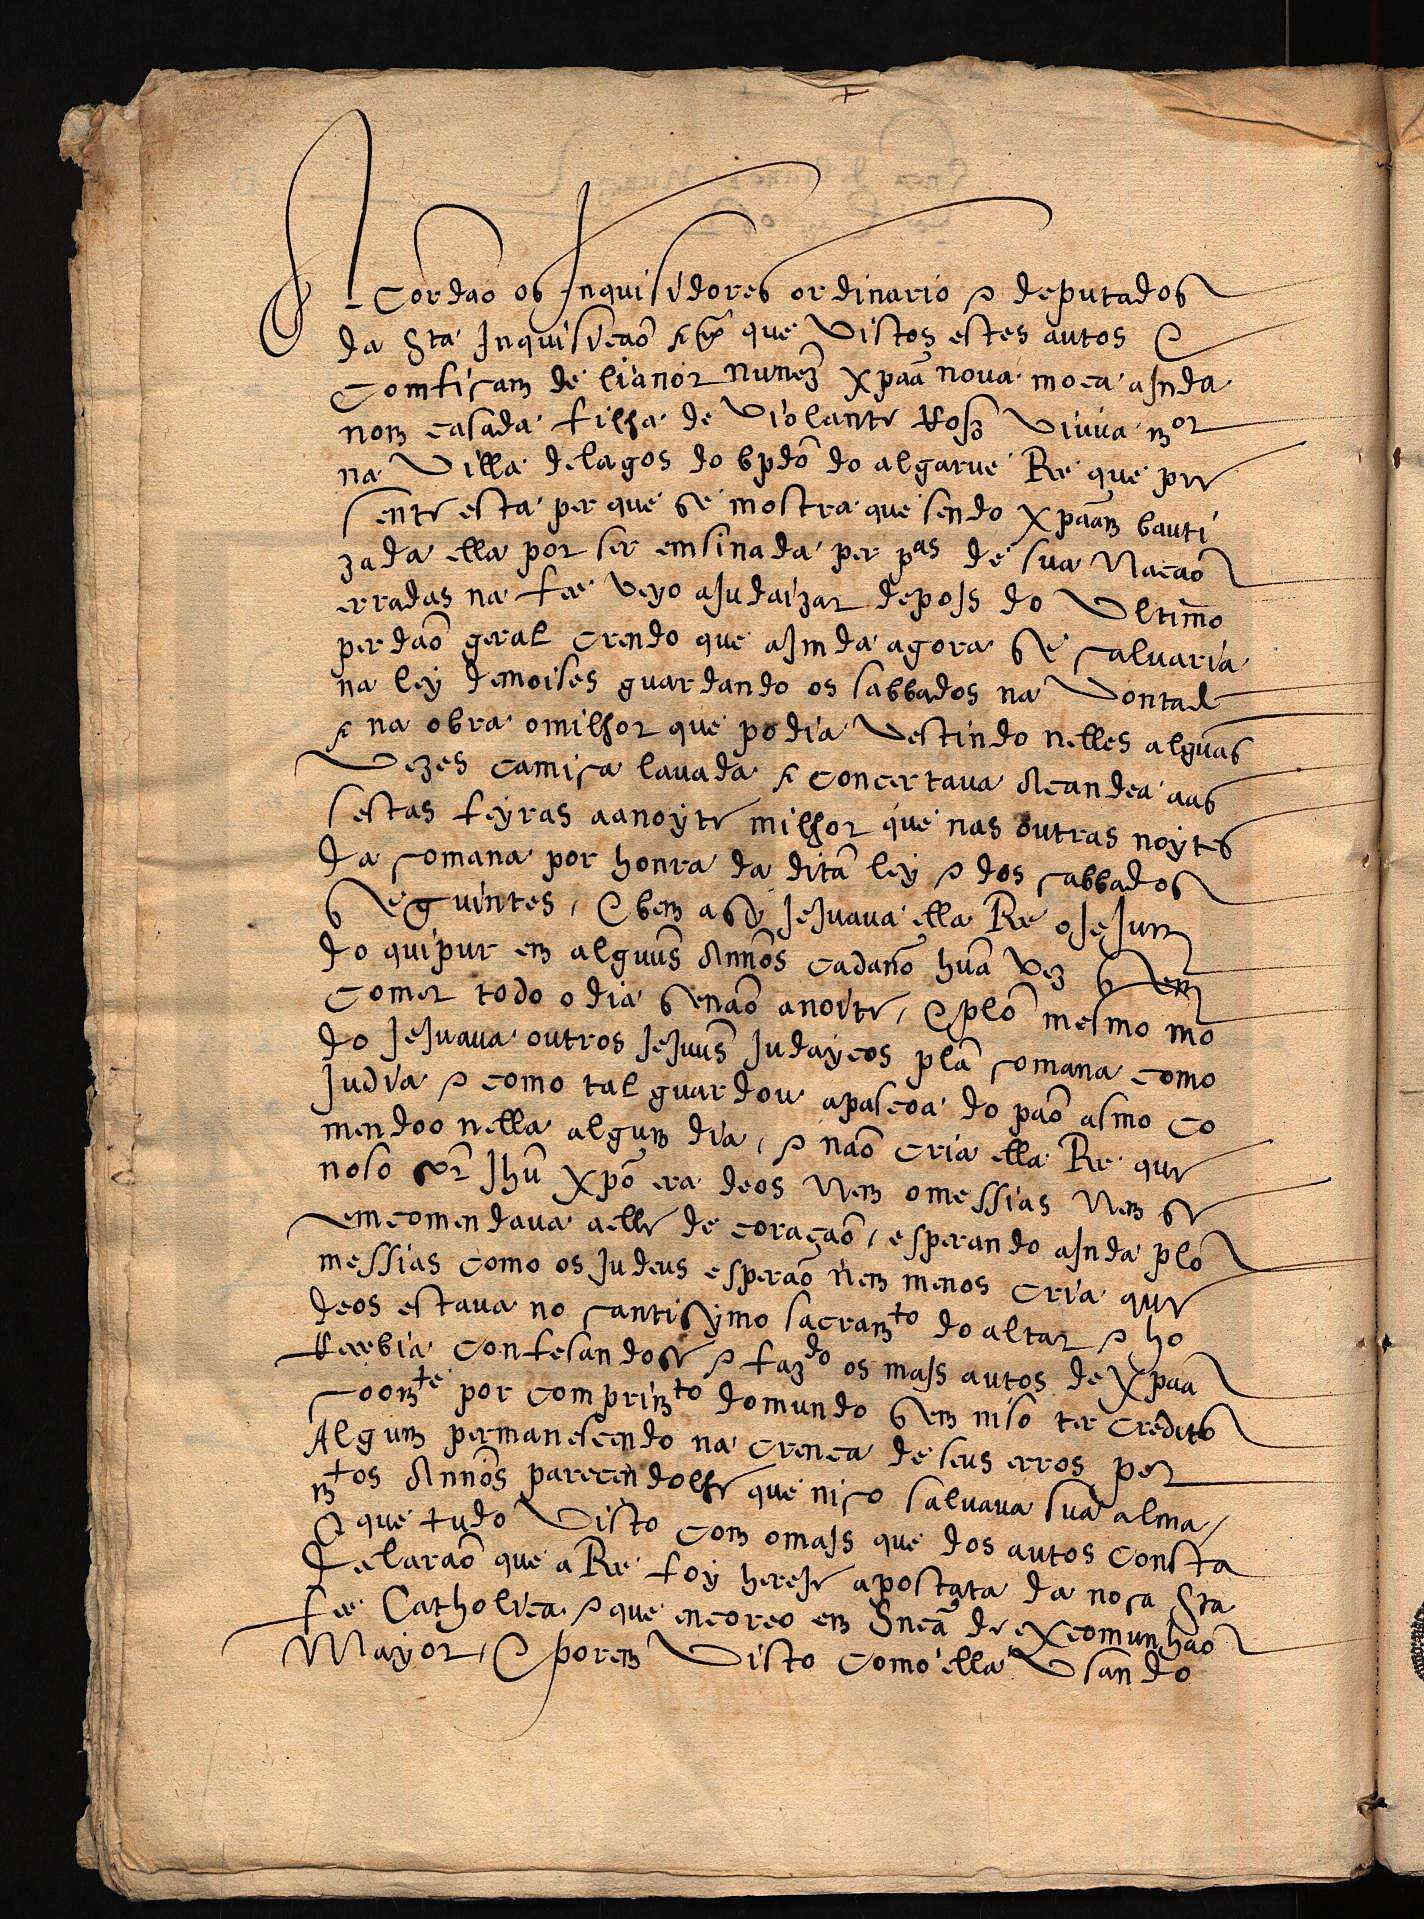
ACordão os Jnquisidores ordinario e deputados
da Sta Jnquisiçaõ e c̄ꝭ que Vistos estes autos e
Comfisam de lianor nunez̄ xpaā noua moça aJnda
nom casada filha de Violante RoJz̄ Viuua mor
na Villa de lagos do bpdō do algarue Re que pre
sente está per que se mostra que sendo Xpaām bauti
zada ella por ser emsinada per pas de sua Naçaõ
erradas na fee veyo a Judaizar depoJs do Vltimo
perdaõ geral crendo que aJmda agora se saluaria
na ley de moises guardando os sabbados na Vontade
e na obra o milhor que podia Vestindo nelles algūas
Vezes camisa lauada e conçertaua A candea aas
sestas feyras aa noyte milhor que nas outras noytes
da somana por honra da ditā ley e dos sabbados
seguintes / e bem asy JeJuaua ella Re o JeJum
do quipur em alguūs Annōs cadanō huā vez Sem
Comer todo o dia senaõ a noite, e plō mesmo mo
do JeJuaua outros JeJuūs Judaycos plā somana como
Judia e como tal guardou a pascoa do paõ asmo co
mendoo nella algum dia / e naõ cria ella Re que
noso sor̄ Jhū Xpō era deos Nem o messias Nem se
emcomendaua a elle de coraçaõ / esperando aJnda plō
messias como os Judeus esperaõ nem menos cria que
deos estaua no santisymo sacramto do altar e ho
Reçebia confesandose e fazdo os maJs autos de Xpaā
ssomte por comprimto do mundo sem niso ter credito
Algum permanescendo na crenca de seus erros por
mtos Annōs parecendolhe que niso saluaua sua alma/
O que tudo Visto com maJs que dos autos consta
declaraõ que a Re foy hereJe apostata da nosa Sta
fee Catholica e que encoreo em Snçā de eXcomunhaõ
Mayor / e porem Visto como ella vsando
